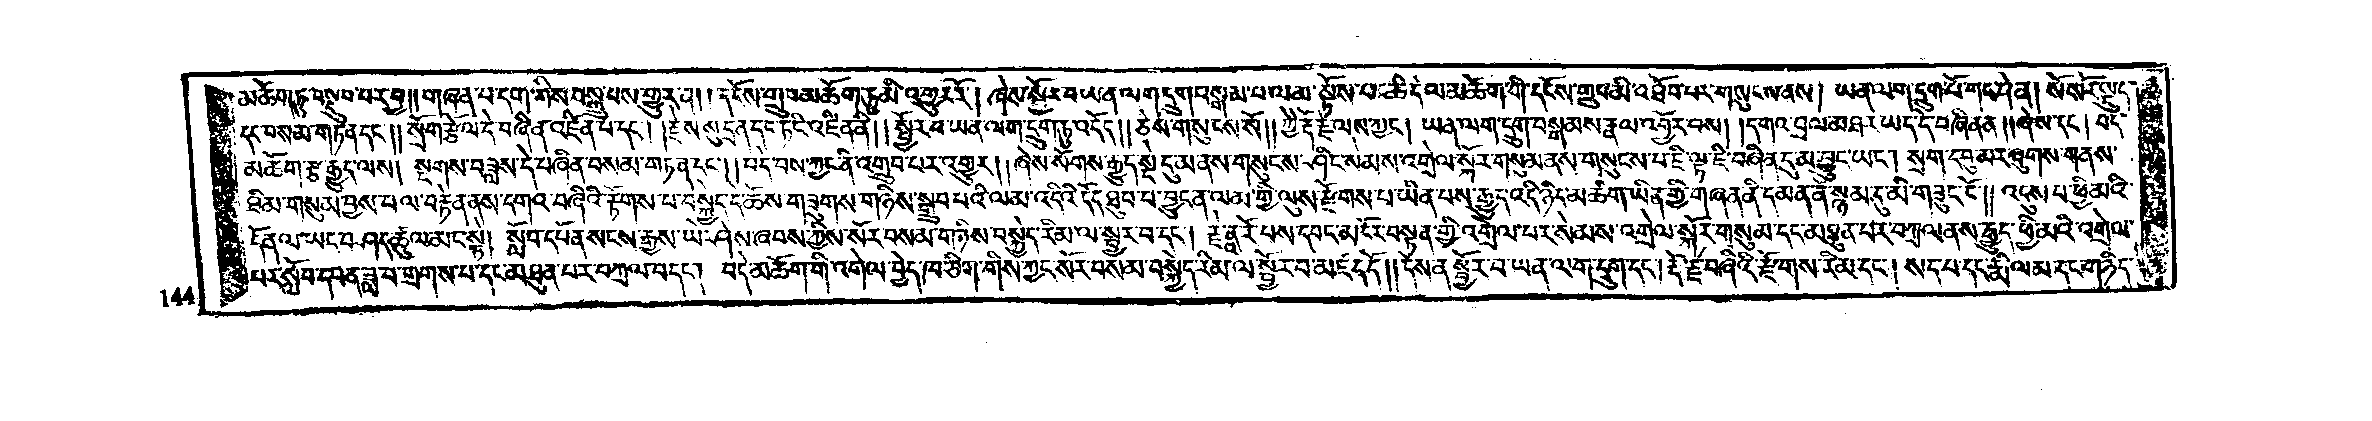མཆོག་ཏུ་བསྡུས?་པར་བྱ། །གཞན་པ་དག་གིས་བསྒྲུབས་གྱུར་ན། །དངོས་གྲུབ་མཆོག་ཏུ་མི་འགྱུར་རོ། ཞེས་སྦྱོར་བ་ཡན་ལག་དྲུག་བསྒམ་པ་ལམ་སྟོས་པ་ཅི?་དེ་ལ་མཆོག་གི་དངོས་གྲུབ་མི་འཐོབ་པར་གསུངས་ནས། ཡན་ལ་དྲུག་པོ་གང་ཞེ་ན། སོ་སོར་སྡུད་
དང་བསམ་གཏན་དང་། །སྲོག་རྩོལ་དེ་བཞིན་འཛིན་པ་དང་། །རྗེས་སུ་དྲན་དང་ཏིང་འཛིན་ནི། །སྦྱོར་བ་ཡན་ལག་དྲུག་ཏུ་འདོད། །ཅེས་གསུངས་སོ། །ཀྱཻ་རྡོ་རྗེ་ལས་ཀྱང་། ཡན་ལག་དྲུག་བསྒམས་རྣལ་འབྱོར་བས། །དགའ་བྲལ་མཐར་ཡོད་དེ་བཞིན་ན། །ཞེས་དང་། བདེ་
མཆོག་རྩ་རྒྱུད་ལས། སྔགས་བཟླས་དེ་བཞིན་བསམ་གཏན་དང་། །བདེ་བས་ཀྱང་ནི་འགྲུབ་པར་འགྱུར། །ཞེས་སོགས་རྒྱུད་སྡེ་དུ་མ་ནས་གསུངས་ཤིང་སེམས་འགྲེལ་སྐོར་གསུམ་ནས་གསུངས་པ་ཇི་ལྟ་ཇི་བཞིན་དུ་མ་བྱུང་ཡང་། སྲག་དབུ་མར་ཞུགས་གནས་
ཐིམ་གསུམ་བྱས་པ་ལ་བརྟེན་ནས་དགའ་བཞིའི་རྟོགས་པ་བསྐྱེད་དེ་ཆོས་གཟུགས་གཉིས་སྒྲུབ་པའི་ལམ་འདིའི་དོན་ཐུབ་པ་བྱུང་ན་ལམ་གྱི་ལུས་རྫོགས་པ་ཡིན་པས་རྒྱུད་འདི་ཉིད་མཚག་ཡིན་གྱི་གཞན་ནི་དམན་ནོ་སྙམ་དུ་མི་གཟུང་ངོ། །འདུས་པ་ཕྱི་མའི་
དོན་ལ་ཡང་བཤད་ཚུལ་མང་སྟེ། སློབ་དཔོན་སངས་རྒྱས་ཡེ་ཤེས་ཞབས་ཀྱིས་སོར་བསམ་གཉིས་བསྐྱེད་རིམ་ལ་སྦྱར་བ་དང་། རྗེ་ནཱ་རོ་པས་དབང་མདོར་བསྟན་གྱི་འགྲེལ་པར་སེམས་འགྲེལ་སྐོར་གསུམ་དང་མཐུན་པར་བཀྲལ་ནས་རྒྱུད་ཕྱི་མའི་འགྲེལ་
པར་སློབ་དཔོན་ཟླ་བ་གྲགས་པ་དང་མཐུན་པར་བཀྲལ་བ་དང་། བདེ་མཆོག་གི་འགེལ་བྱེད་ཁ་ཅིག་གིས་ཀྱང་སོར་བསམ་བསྐྱེད་རིམ་ལ་སྦྱོར་བ་མཛད་དོ། །དེས་ན་སྦྱོར་བ་ཡན་ལག་དྲུག་དང་། རྡོ་རྗེ་བཞིའི་རྫོགས་རིམ་དང་། སད་པ་དང་རྨི་ལམ་དང་གཉིད་